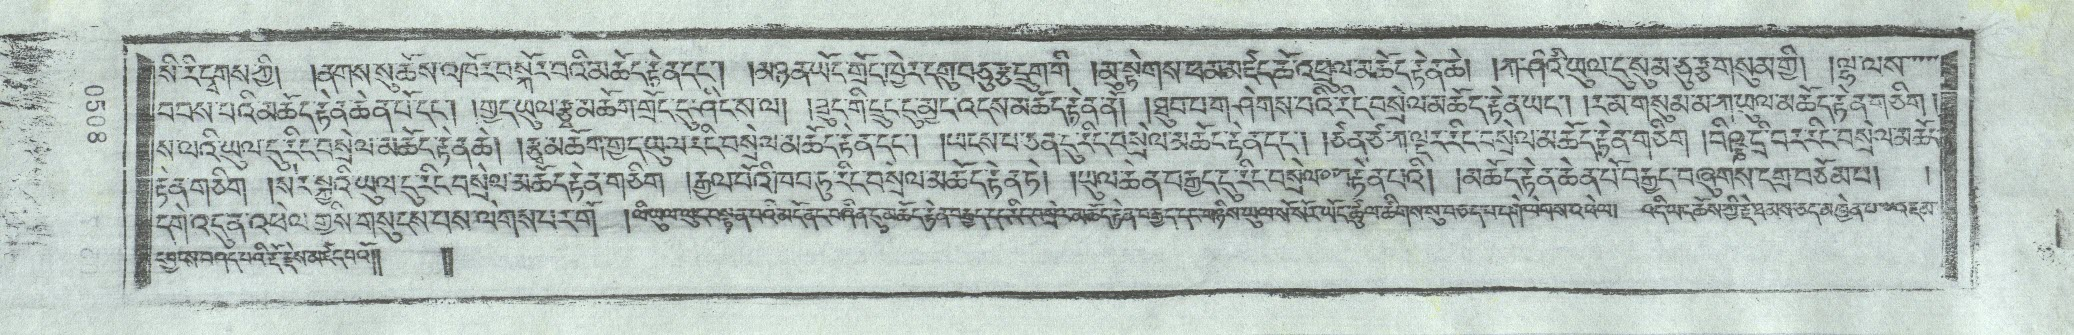སི་རི་དྭགས་ཀྱི། །ནགས་སུ་ཆོས་འཁོར་བསྐོར་བའི་མཆོད་རྟེན་དང་། །མཉན་ཡོང་གྲོང་ཁྱེར་དགུ་བཅུ་རྩ་དྲུག་གི །མུ་སྟེགས་ཕམ་མཛད་ཆོ་འཕྲུལ་མཆོད་རྟེན་ཆེ། །ཀ་ཤིའི་ཡུལ་དུ་སུམ་ཅུ་རྩ་གསུམ་གྱི། །ལྷ་ལས་
བབས་པའི་མཆོད་རྟེན་ཆེན་པོ་དང་། །གྱད་ཡུལ་རྩྭ་མཆོག་གྲོང་དུ་ཤིང་ས་ལ། །ཟུང་གི་དྲུང་དུ་མྱང་འདས་མཆོད་རྟེན་ནོ། །ཐུབ་བ་གཤེགས་པའི་རིང་བསྲེལ་མཆོད་རྟེན་ཡང་། །རམ་གསམ་ཀ་ཡུལ་མཆོད་རྟེན་གཅིག།
ས་ལའི་ཡུལ་དུ་རིང་བསྲེལ་མཆོད་རྟེན་ཆེ། །རྩ་མཆོག་གྱད་ཡུལ་རིང་བསྲེལ་མཆོད་རྟེན་དང་། །ཡངས་པ་ཅན་དུ་རིང་བསྲེལ་མཆོད་རྟེན་དང་། །ཙན་ཙ་ཀ་ལྡར་རིང་བསྲེལ་མཆོད་རྟེན་གཅིག། །བིཥྞ་དྲི་བར་རིང་བསྲེལ་མཆོད་
རྟེན་གཅིག། །སྔར་སྐྱའི་ཡུལ་དུ་རིང་བསྲེལ་མཆོད་རྟེན་གཅིག། །རྒྱལ་པོའི་ཁབ་ཏུ་རིང་བསྲེལ་མཆོད་རྟེན་ཏེ། །ཡུལ་ཆེན་བརྒྱད་དུ་རིང་བསྲེལ་བརྟེན་པའི། །མཆོད་རྟེན་ཆེན་པོ་བརྒྱད་གཞུངས་དགྲ་བཅོམ་པ། །
དགེ་འདུན་འཕེལ་གྱིས་གསུངས་པས་ལེགས་པར་གོ །ལི་ཡུལ་ལུང་བསྟན་པའི་མདོ་ནང་བཞིན་དུ་མཆོད་རྟེན་བརྒྱད་??་འྶྲེལ་མཆོད་རྟེན་བརྒྱད་དང་གཉིས་ཡུལ་སོ་སོར་ཡོང་ཚུལ་ཚོགས་སུ་བཅད་པ་དགེ་ལེགས་འཕེལ། །འདིར་ཆོས་ཀྱི་རྗེ་ཐམས་ཅད་ཁྱེན་པ་ལ་འཇམ་
དབྱངས་བཤད་པའི་རྡོ་རྗེས་མཛད་པའོ།། །།